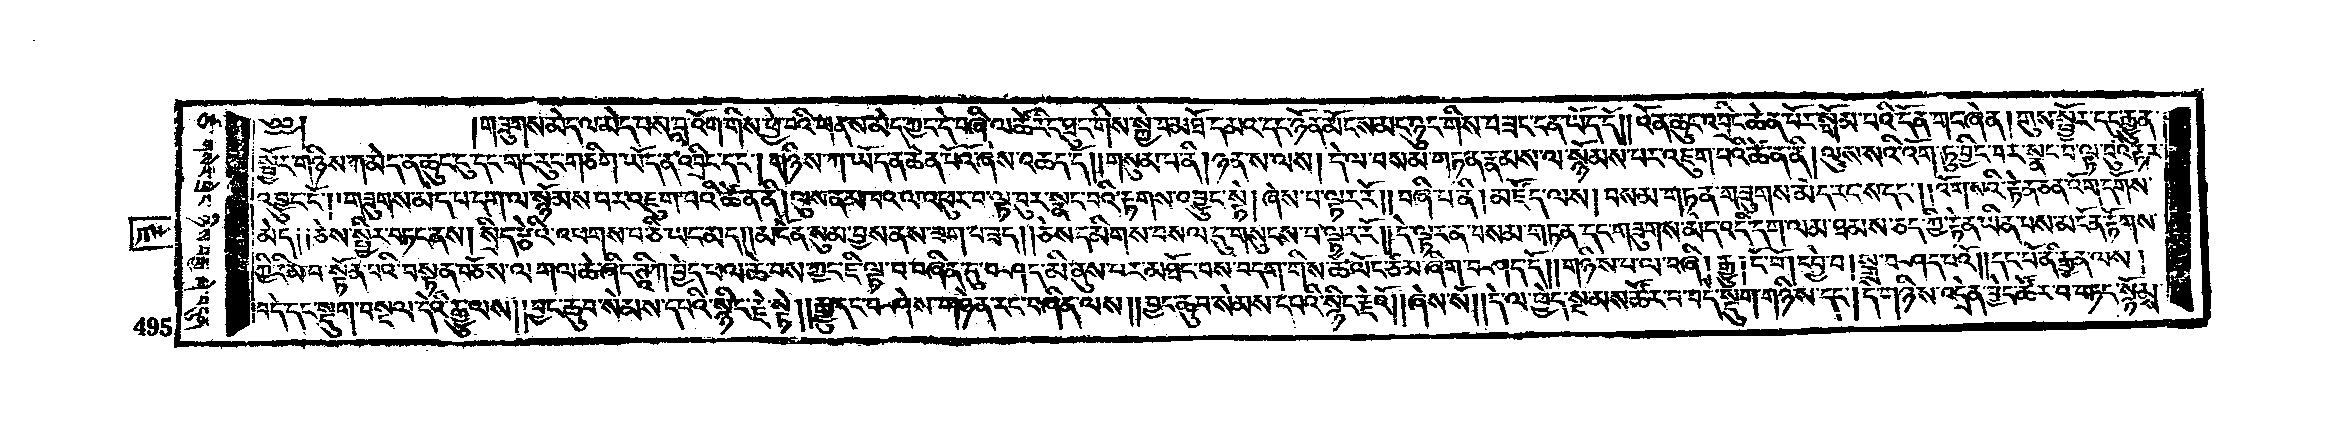༄༅། །གཟུགས་མེད་ལ་མེད་པས་བླ་འོག་གིས་ཕྱེ་བའི་གནས་མེད་ཀྱང་དེ་བཞི་ལ་ཚེ་རིང་ཐུང་གིས་སྐྱེ་བ་མཐོ་དམའ་དང་ཉོན་མོངས་མང་ཉུང་གིས་བཟང་ངན་ཡོད་དོ། །འོ་ན་ཆུང་འབྲིང་ཆེན་པོར་སྒོམ་པའི་དོན་གང་ཞེ་ན། གུས་སྦྱོར་དང་རྒྱུན་
སྦྱོར་གཉིས་ཀ་མེད་ན་ཆུང་ངུ་དང་གང་རུང་གཅིག་ཡོད་ན་འབྲིང་དང་། གཉིས་ཀ་ཡོད་ན་ཆེན་པོའོ་ཞེས་འཆད་དོ། །གསུམ་པ་ནི། ཉན་ས་ལས། དེ་ལ་བསམ་གཏན་རྣམས་ལ་སྙོམས་པར་འཇུག་པའི་ཚེ་ན་ནི། ལུས་སའི་འོག་ཏུ་བྱིང་བར་སྣང་བ་ལྟ་བུའི་རྟགས་
འབྱུང་ངོ། །གཟུགས་མེད་པ་དག་ལ་སྙོམས་པར་འཇུག་པའི་ཚེ་ན་ནི། ལུས་ནམ་མཁའ་ལ་འཕུར་བ་ལྟ་བུར་སྣང་བའི་རྟགས་འབྱུང་སྟེ། ཞེས་པ་ལྟར་རོ། །བཞི་པ་ནི། མཛོད་ལས། བསམ་གཏན་གཟུགས་མེད་རང་ས་དང་། །འོག་སའི་རྟེན་ཅན་འོག་དགོས་
མེད། །ཅེས་སྤྱིར་བཏང་ནས། སྲིད་རྩེའི་འཕགས་པ་ཅི་ཡང་མེད། །མངོན་སུམ་བྱས་ནས་ཟག་པ་ཟད། །ཅེས་དམིགས་བསལ་དུ་གསུངས་པ་ལྟར་རོ། །དེ་ལྟར་ན་བསམ་གཏན་དང་གཟུགས་མེད་འདི་དག་ལམ་ཐམས་ཅད་ཀྱི་རྟེན་ཡིན་པས་མངོན་རྟོགས་
ཀྱི་རིམ་པ་སྟོན་པའི་བསྟན་བཅོས་ལ་གལ་ཆེ་ཞིང་ཊཱིཀ་བྱེད་ཕལ་ཆེ་བས་ཀྱང་ཇི་ལྟ་བ་བཞིན་དུ་བཤད་མི་ནུས་པར་མཐོང་བས་བདག་གིས་ཚེ་ལོང་ཙམ་ཞིག་བཤད་དོ། །གཉིས་པ་ལ་བཞི། རྒྱུ། ངོ་བོ། དབྱེ་བ། སྒྲ་བཤད་པའོ། །དང་པོ་ནི་རྒྱན་ལས།
བདེ་དང་སྡུག་བསྔལ་དེའི་རྒྱུ་ལས། །བྱང་ཆུབ་སེམས་དཔའི་སྙིང་རྗེ་སྟེ། །རྒྱུ་དང་བཤེས་གཉེན་རང་བཞིན་ལས། །བྱང་ཆུབ་སེམས་དཔའི་སྙིང་རྗེའོ། །ཞེས་སོ། །དེ་ལ་ཕྱེད་སྔ་མས་ཚོར་བ་བདེ་སྡུག་གཉིས་དང་། དེ་གཉིས་འདྲེན་བྱེད་ཚོར་བ་བཏང་སྙོམས་